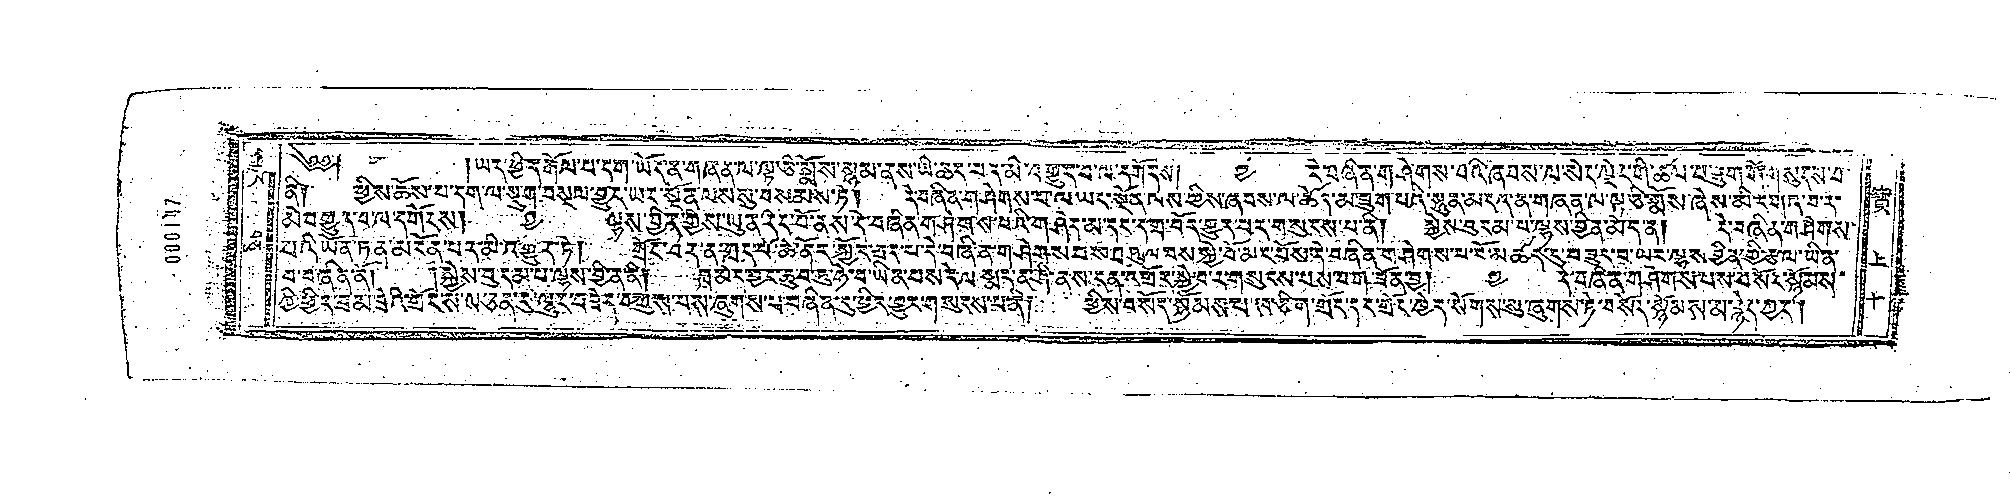༄༅། །ཡང་ཕྱིར་རྒོལ་བ་དག་ཡོད་ན་གཞན་ལ་ལྟ་ཅི་སྨོས་སྙམ་ནས་ཡི་ཆད་པར་མི་འགྱུར་བ་ལ་དགོངས། ༧་དེ་བཞིན་གཤེགས་པའི་ཞབས་ལ་སེང་ལྡེང་གི་ཚལ་པ་ཟུག་གོ་གསུངས་པ་
ནི། ཕྱིས་ཆོས་པ་དག་ལ་སྡུག་བསྔལ་བྱུང་ཡང་སྔོན་ལས་སུ་བསམས་ཏེ། དེ་བཞིན་གཤེགས་པ་ལ་ཡང་སྔོན་ལས་ཀྱིས་ཞབས་ལ་ཚེར་མ་ཟུག་པའི་སྙུན་མངའ་ན་གཞན་ལ་ལྟ་ཅི་སྨོས་ཞེས་མི་དགའ་བར་
མི་འགྱུར་བ་ལ་དགོངས། ༧་ལྟས་བྱིན་གྱིས་ཡུན་རིང་པོ་ནས་དེ་བཞིན་གཤེགས་པའི་གཤེད་མ་དང་དགྲ་བོར་གྱུར་བར་གསུངས་བ་ནི། སྐྱེས་བུ་དམ་པ་ལྷས་བྱིན་མེད་ན། དེ་བཞིན་གཤེགས་
པའི་ཡོན་ཏན་མངོན་པར་མི་འགྱུར་ཏེ། གྲོང་བར་ན་གླང་པོ་ཆེ་ནོར་སྐྱོང་རྦད་པ་དེ་བཞིན་གཤེགས་པས་བཏུལ་བས་སྐྱེ་བོ་མང་པོས་དེ་བཞིན་གཤེགས་པ་ངོ་མཚར་དུ་བཟུང་བ་ཡང་ལྷས་བྱིན་གྱི་རྩལ་ཡིན་
བ་བཞིན་ནོ། །སྐྱེས་བུ་དམ་པ་ལྷས་བྱིན་ནི། བླ་མེད་བྱང་ཆུབ་ཏུ་ཉེ་བ་ཡིན་བས་དེ་ལ་སྨད་ན་ཞི་ནས་ངན་འགྲོར་སྐྱེ་བར་གསུངས་པས་བག་ཟོན་བྱ། ༧་དེ་བཞིན་གཤེགས་པས་བསོད་སྙོམས་
ཀྱི་ཕྱིར་བྲམ་ཟེའི་གྲོངས་ལ་ཅན་དུ་ལྷུང་བཟེད་བཀྲུས་པས་ཞུགས་པ་བཞིན་དུ་ཕྱིར་བྱུང་གསུངས་པ་ནི། ཕྱིས་བསོད་སྙོམས་པ་ཁ་ཅིག་གྲོང་དང་གྲོང་ཁྱེར་སོགས་སུ་ཞུགས་ཏེ་བསོད་སྙོམས་མ་རྙེད་ཀྱང་།